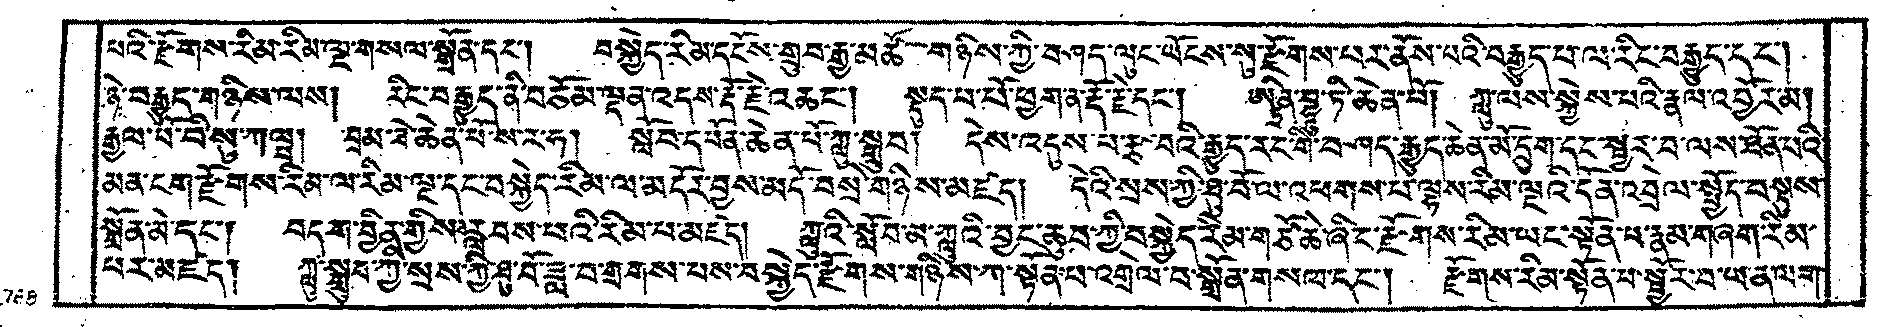པའི་རྫོགས་རིམ་རིམ་ལྔ་གསལ་སྒྲོན་དང་། བསྐྱེད་རིམ་དངོས་གྲུབ་རྒྱ་མཚོ་གཉིས་ཀྱི་བཤད་ལུང་ཡོངས་སུ་རྫོགས་པར་ནོས་པའི་བརྒྱུད་པ་ལ་རིང་བརྒྱུད་དང་།
ཉེ་བརྒྱུད་གཉིས་ལས། རིང་བརྒྱུད་ནི་བཅོམ་ལྡན་འདས་རྡོ་རྗེ་འཆང་། སྡུད་པ་པོ་ཕྱག་ན་རྡོ་རྗེ་དང་། ཨིནྟྲ་བྷཱུ་ཏི་ཆེན་པོ། ཀླུ་ལས་སྐྱེས་པའི་རྣལ་འབྱོར་མ།
རྒྱལ་པོ་བི་སུ་ཀལྤ། བྲམ་ཟེ་ཆེན་པོ་ས་ར་ཧ། སློབ་དཔོན་ཆེན་པོ་ཀླུ་སྒྲུབ། དེས་འདུས་པ་རྩ་བའི་རྒྱུད་རང་གི་བཤད་རྒྱུད་ཆེན་མོ་དྲུག་དང་སྦྱར་བ་ལས་ཐོན་པའི་
མན་ངག་རྫོགས་རིམ་ལ་རིམ་ལྔ་དང་བསྐྱེད་རིམ་ལ་མདོར་བྱས་མདོ་བསྲེ་གཉིས་མཛད། དེའི་སྲས་ཀྱི་ཐུ་བོ་ལ་འཕགས་པ་ལྷས་རིམ་ལྔའི་དོན་འབྲེལ་སྤྱོད་བསྡུས་
སྒྲོན་མེ་དང་། བདག་བྱིན་གྱིས་བརླབས་པའི་རིམ་པ་མཛད། ཀླུའི་སློབ་མ་ཀླུའི་བྱང་ཆུབ་ཀྱི་བསྐྱེད་རིམ་གཙོ་ཆེ་ཞིང་རྫོགས་རིམ་ཡང་སྟོན་པ་རྣམ་གཞག་རིམ་
པར་མཛད། ཀླུ་སྒྲུབ་ཀྱི་སྲས་ཀྱི་ཐུ་བོ་ཟླ་བ་གྲགས་པས་བསྐྱེད་རྫོགས་གཉིས་ཀ་སྟོན་པ་འགྲེལ་བ་སྒྲོན་གསལ་དང་། རྫོགས་རིམ་སྟོན་པ་སྦྱོར་བ་ཡན་ལག་